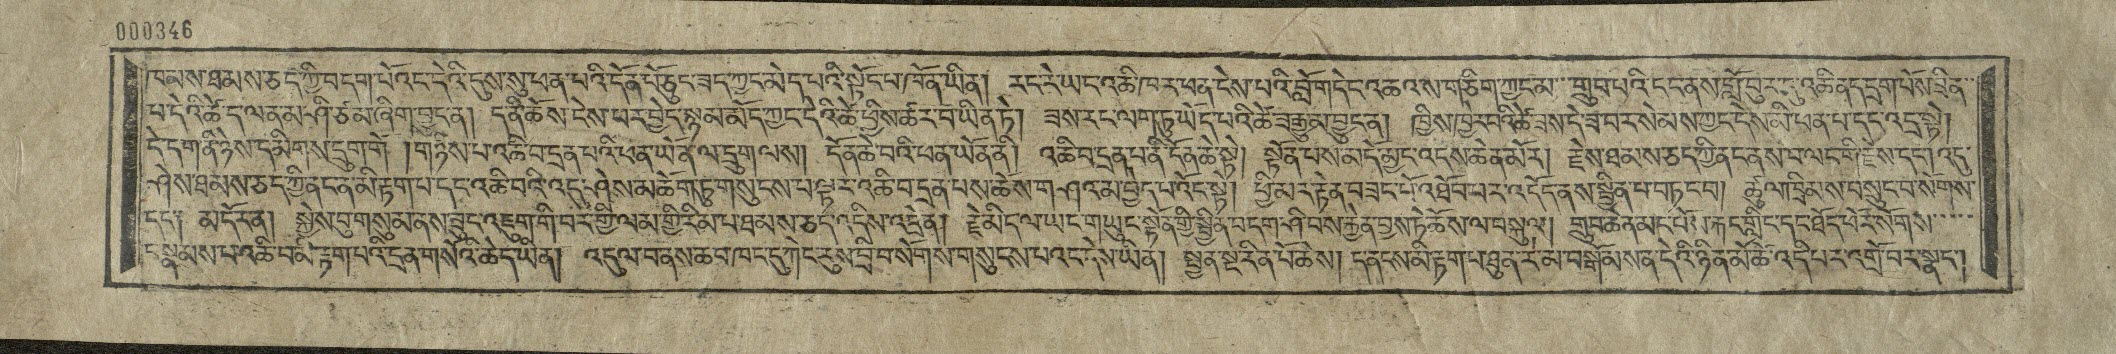ཁམས་ཐམས་ཅད་ཀྱི་བདག་པོའང་དེའི་དུས་སུ་ཕན་པའི་དོན་པོ་ཅུང་ཟད་ཀྱང་མེད་པའི་སྟོང་པ་ཁོ་ན་ཡིན། རང་རེ་ཡང་འཆི་ཁར་ཕན་ངེས་པའི་བློ་གདེང་འཆའ་ས་གཅིག་ཀྱང་མ་གྲུབ་པའི་ངང་ནས་གློ་བུར་དུ་འཆི་ནད་དྲག་པོས་ཟིན་
པ་དེའི་ཚེ་ད་ལན་མ་ཤི་ཙམ་ཞིག་བྱུང་ན། ད་ནི་ཆོས་ངེས་པར་བྱེད་སྙམ་མོད་ཀྱང་དེའི་ཚེ་ཕྱིས་ཚར་བ་ཡིན་ཏེ། ཟས་རང་ལག་ཏུ་ཡོད་པའི་ཚེ་ཟ་རྒྱུ་མ་བྱུང་ན། ཁྱིས་ཁྱེར་བའི་ཚེ་ཟས་དེ་ཟ་བར་སེམས་ཀྱང་དེས་མི་ཕན་པ་དང་འདྲ་སྟེ།
དེ་དག་ནི་ཉེས་དམིགས་དྲུག་གོ །གཉིས་པ་འཆི་བ་དྲན་པའི་ཕན་ཡོན་ལ་དྲུག་ལས། དོན་ཆེ་བའི་ཕན་ཡོན་ནི། འཆི་བ་དྲན་པ་ནི་དོན་ཆེ་སྟེ། སྟོན་པས་མདོ་མྱང་འདས་ཆེན་མོར། རྗེས་ཐམས་ཅད་ཀྱི་ནང་ནས་བ་ལང་གི་རྗེས་དང་། འདུ་
ཤེས་ཐམས་ཅད་ཀྱི་ནང་ན་མི་རྟག་པ་དང་འཆི་བའི་འདུ་ཤེས་མཆོག་ཏུ་གསུངས་པ་ལྟར་འཆི་བ་དྲན་པས་ཆོས་གཤའ་མ་བྱེད་པ་འོང་སྟེ། ཕྱི་མར་རྟེན་བཟང་པོ་འཐོབ་པར་འདོད་ནས་སྦྱིན་པ་བཏང་བ། ཚུལ་ཁྲིམས་བསྲུང་བ་སོགས་
དང༑ མདོར་ན། སྐྱེས་བུ་གསུམ་ནས་ཟུང་འཇུག་གི་བར་གྱི་ལམ་གྱི་རིམ་པ་ཐམས་ཅད་འདིས་འདྲེན། རྗེ་མིད་ལ་ཡང་གཡུང་སྟོན་གྱི་སྦྱིན་བདག་ཤི་བས་རྐྱེན་བྱས་ཏེ་ཆོས་ལ་བསྐུལ། གྲུབ་ཆེན་མང་པོས་རྐང་གླིང་དང་ཐོད་ཕོར་སོགས་
བསྣམས་པ་འཆི་བ་མི་རྟག་པའི་དྲན་གསོའི་ཆེད་ཡིན། འདུལ་བ་ནས་ཆབ་ཁང་དུ་ཀེང་རུས་བྲི་བ་སོགས་གསུངས་པའང་དེས་ཡིན། སྤྱན་སྔ་རིན་པོ་ཆེས། ད་ན་ངས་མི་རྟག་པ་ཐུན་རེ་མ་བསྒོམས་ན་དེའི་ཉིན་མོ་ཚེ་འདི་པར་འགྲོ་བར་སྣང་།